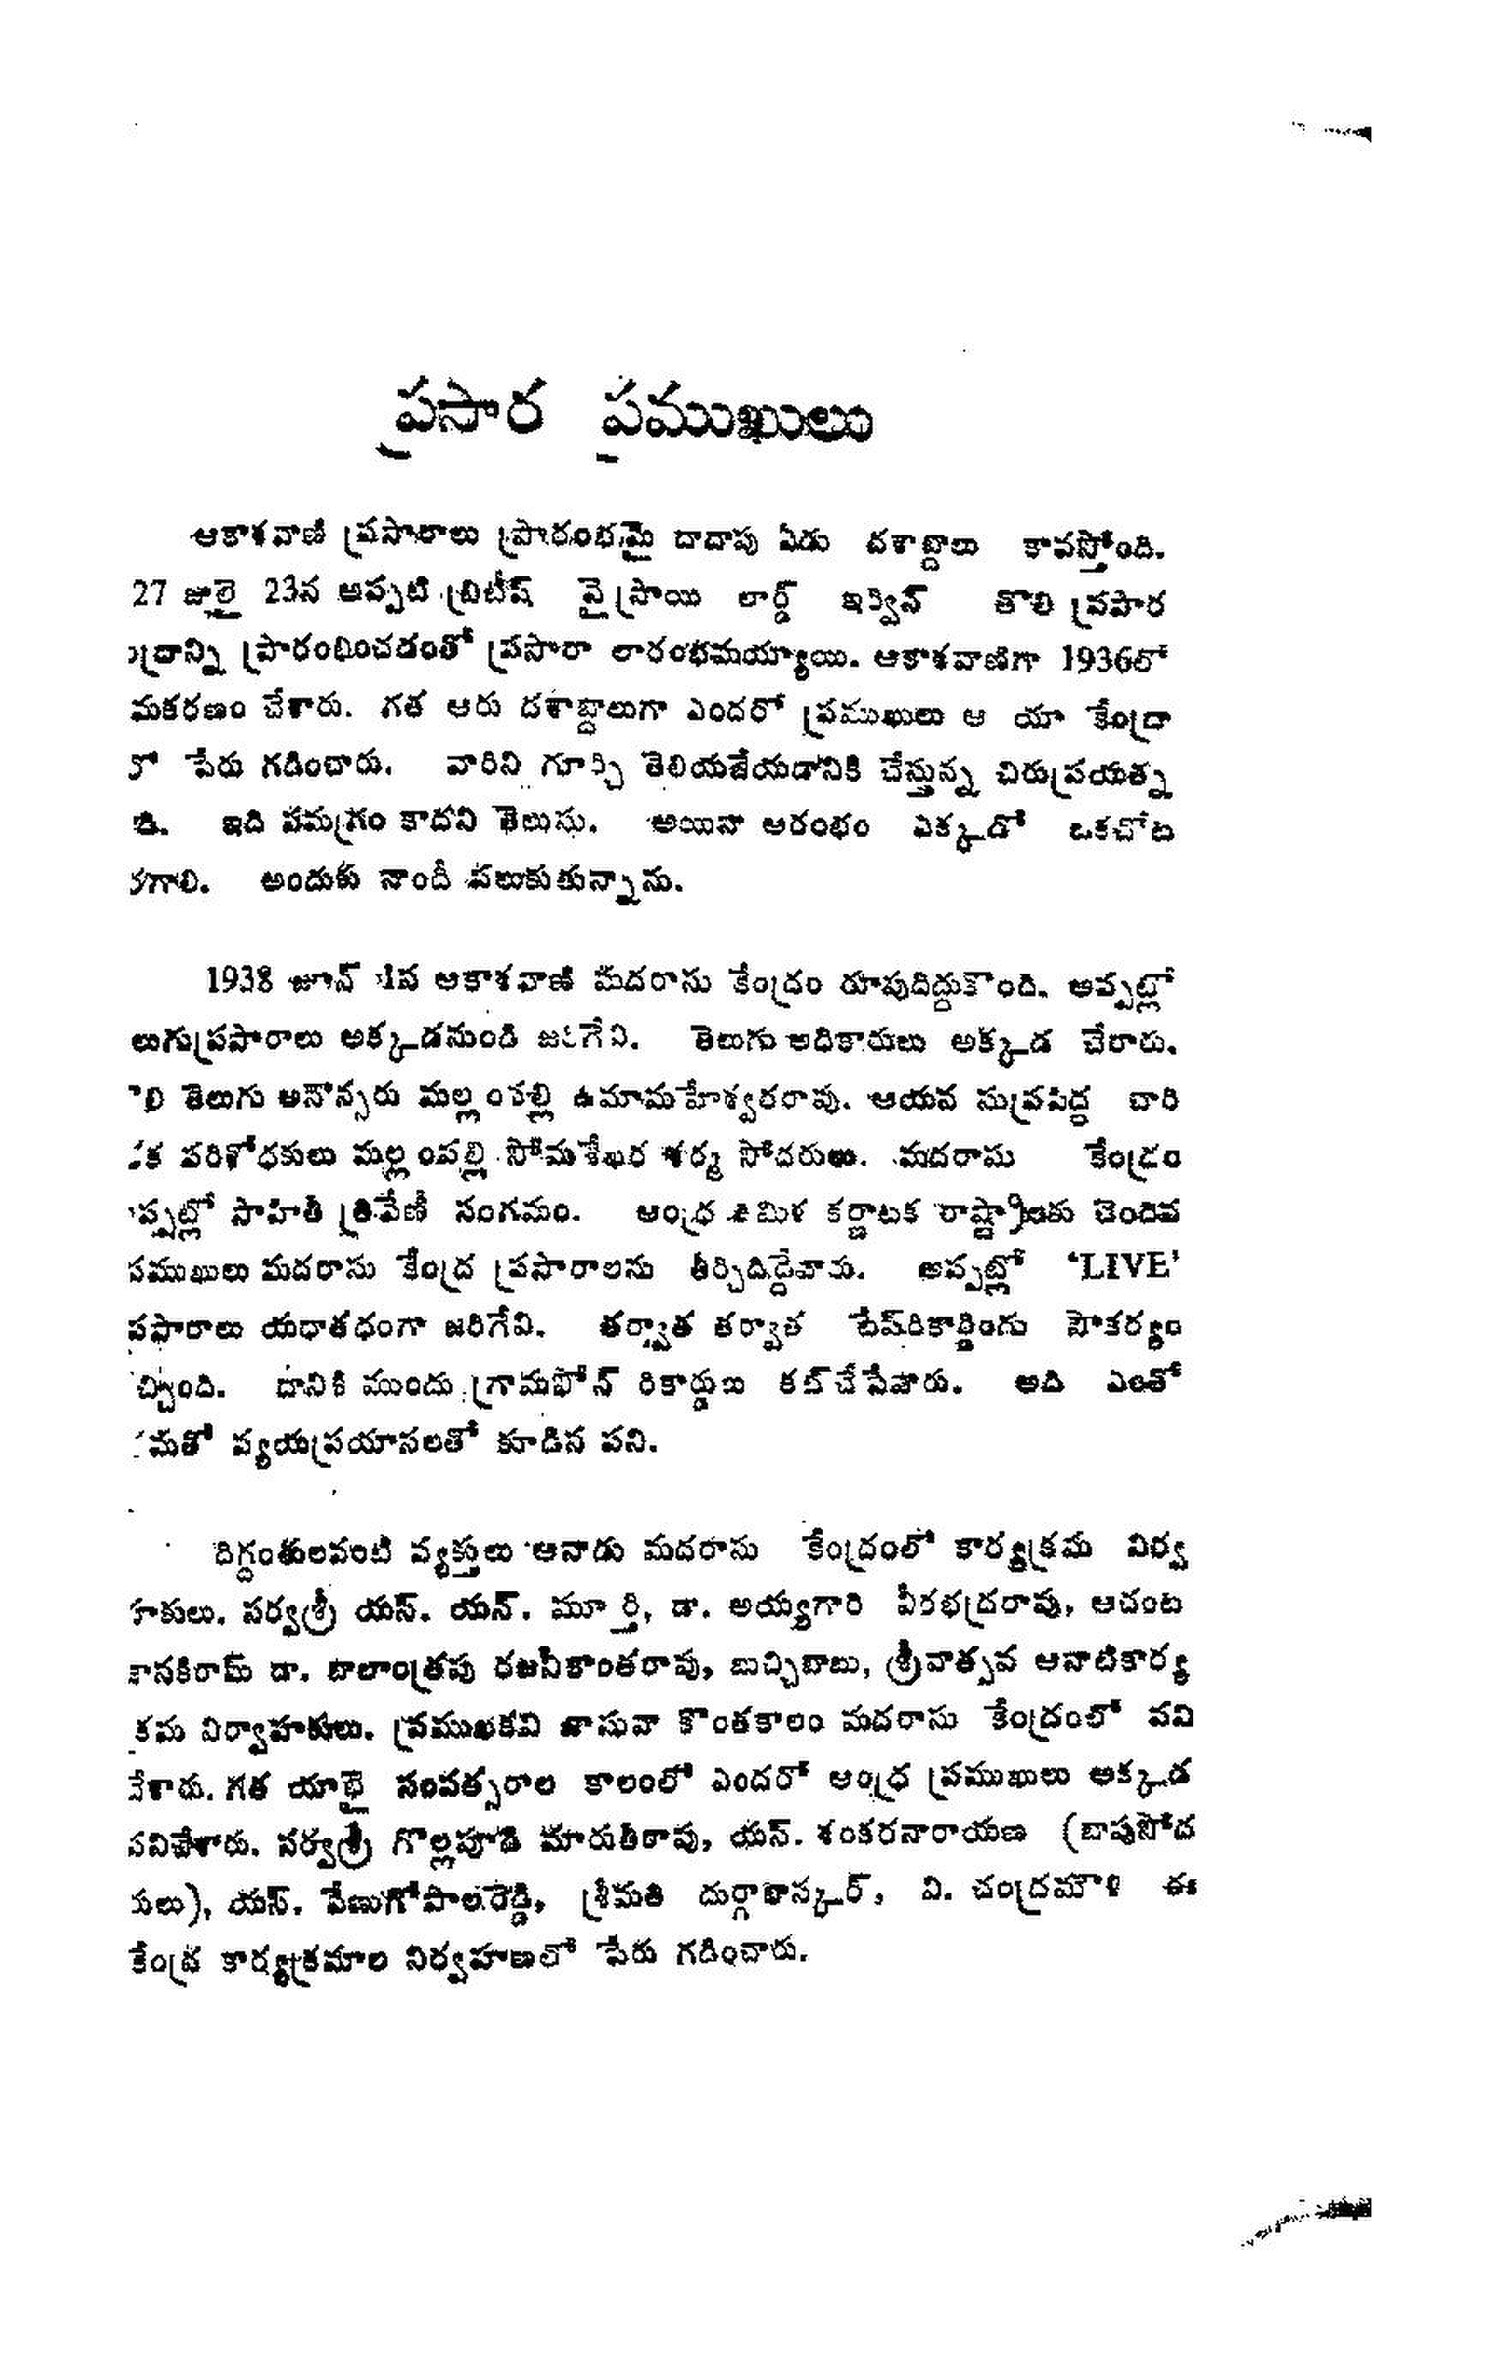ఆకాశవాణి ప్రసారాలు ప్రారంభమై దాదాపు ఏడు దశాబ్దాలు కావస్తోంది. 1927 జూలై 23న అప్పటి బ్రిటిష్ వైస్రాయి లార్డ్ ఇర్విన్ తొలి ప్రసార కేంద్రాన్ని ప్రారంభించడంతో ప్రసారా లారంభమయ్యాయి. ఆకాశవాణిగా 1936లో నామకరణం చేశారు. గత ఆరు దశాబ్దాలుగా ఎందరో ప్రముఖులు ఆయా కేంద్రాలలో పేరు గడించారు. వారిని గూర్చి తెలియజేయడానికి చేస్తున్న చిరుప్రయత్నమిది. ఇది సమగ్రం కాదని తెలుసు. అయినా ఆరంభం ఎక్కడో ఒకచోట జరగాలి. అందుకు నాందీ పలుకుతున్నాను.

1938 జూన్ 1న ఆకాశవాణి మదరాసు కేంద్రం రూపుదిద్దుకొంది. అప్పట్లో తెలుగుప్రసారాలు అక్కడనుండి జరిగేవి. తెలుగు అధికారులు అక్కడ చేరారు. తొలి తెలుగు అనొన్సరు మల్లంపల్లి ఉమామహేశ్వరరావు. ఆయన సుప్రసిద్ధ చారిత్రక పరిశోధకులు మల్లంపల్లి సోమశేఖర శర్మ సోదరులు. మదరాసు కేంద్రం అప్పట్లో సాహితీ త్రివేణీ సంగమం. ఆంధ్ర తమిళ కర్ణాటక రాష్ట్రాలకు చెందిన ప్రముఖులు మదరాసు కేంద్ర ప్రసారాలను తీర్చిదిద్దేవారు. అప్పట్లో "LIVE" ప్రసారాలు యధాతధంగా జరిగేవి. తర్వాత తర్వాత టేప్ రికార్డింగు సౌకర్యం వచ్చింది. దానికి ముందు గ్రామఫోను రికార్డులు కట్ చేసేవారు. అది ఎంతో శ్రమతో వ్యయప్రయాసలతో కూడిన పని.

దిగ్దంతులవంటి వ్యక్తులు ఆనాడు మదరాసు కేంద్రంలో కార్యక్రమ నిర్వహకులు. పద్మశ్రీ యస్. యన్. మూర్తి, డా.అయ్యగారి వీరభద్రరావు, ఆచంట జానకీరామ్‌ డా. బాలాంత్రపు రజనీకాంతరావు, బుచ్చిబాబు, శ్రీవాత్సవ ఆనాటి కార్యక్రమ నిర్వాహకులు. ప్రముఖ కవి జాషువా కొంతకాలం మదరాసు కేంద్రంలో పనిచేశారు. గత యాభై సంవత్సరాల కాలంలో ఎందరో ఆంధ్ర ప్రముఖులు అక్కడ పనిచేశారు. సర్వశ్రీ గొల్లపూడి మారుతీరావు, యస్. శంకరనారాయణ (బాపు సోదరులు), యస్ వేణుగోపాలరెడ్డి, శ్రీమతి దుర్గా భాస్కర్, వి. చంద్రమౌళి ఈ కేంద్ర కార్యక్రమాల నిర్వహణలో పేరు గండించారు.